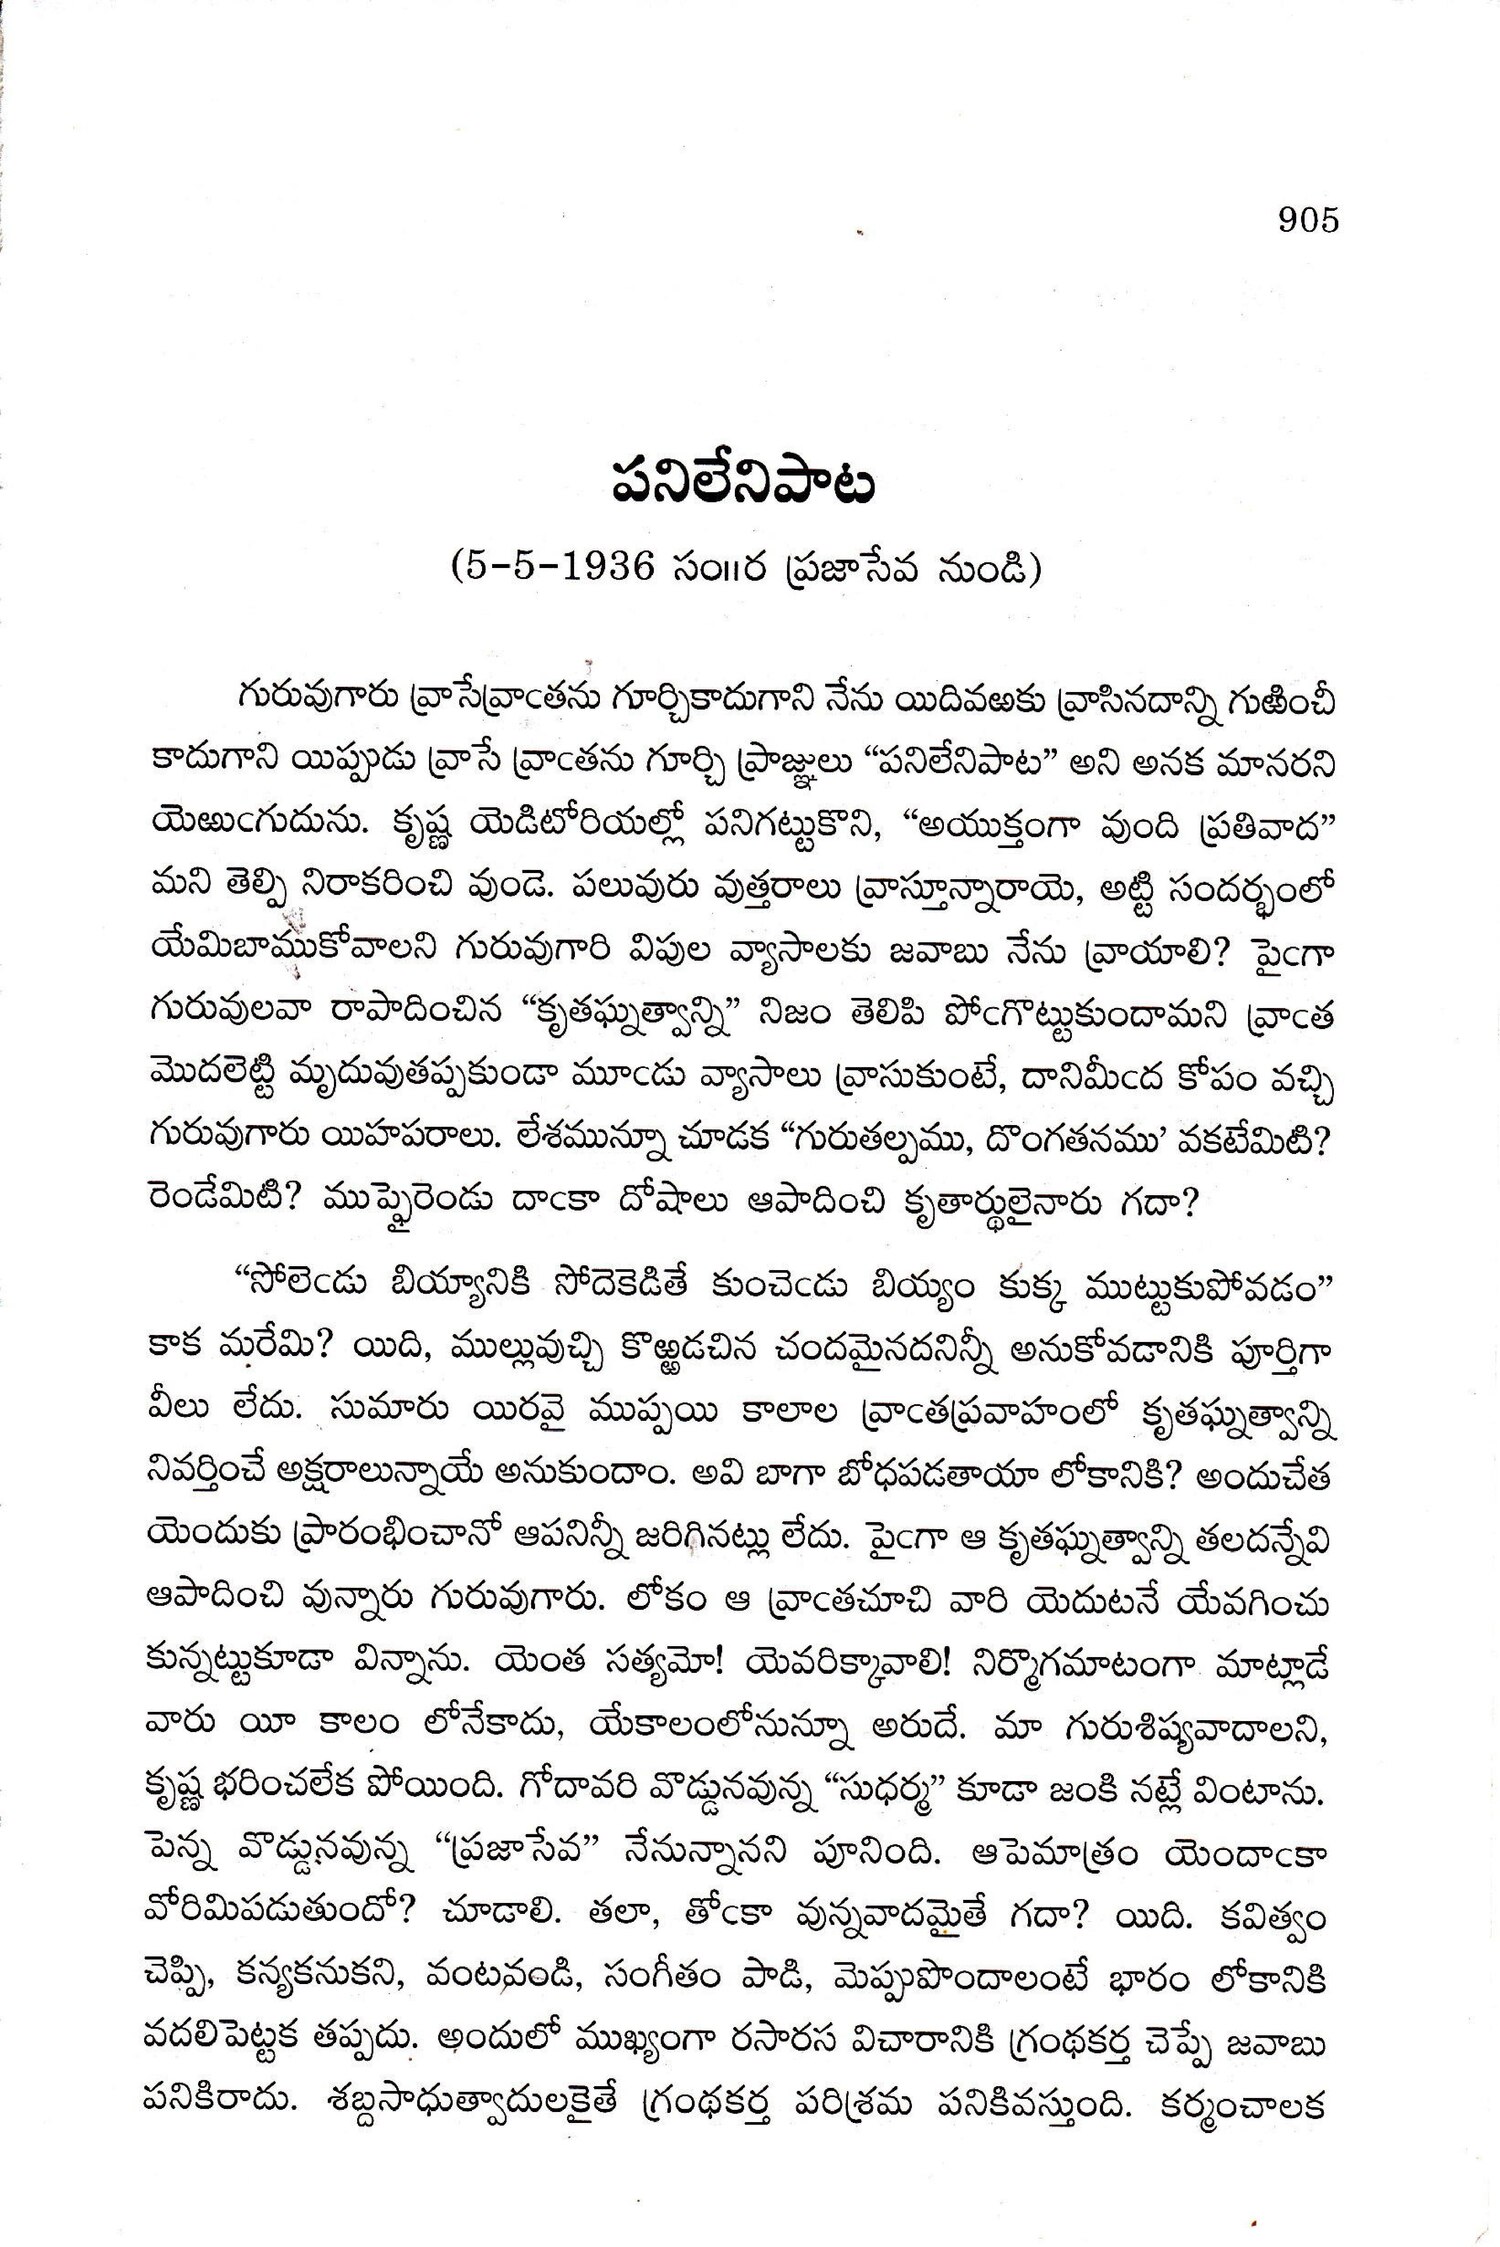పనిలేనిపాట
(5-5-1936 సం||ర ప్రజాసేవ నుండి)

గురువుగారు వ్రాసేవ్రాఁతను గూర్చికాదుగాని నేను యిదివఱకు వ్రాసినదాన్ని గుఱించీ కాదుగాని యిప్పుడు వ్రాసే వ్రాఁతను గూర్చి ప్రాజ్ఞులు “పనిలేనిపాట" అని అనక మానరని యెఱుఁగుదును. కృష్ణ యెడిటోరియల్లో పనిగట్టుకొని, "అయుక్తంగా వుంది ప్రతివాద" మని తెల్పి నిరాకరించి వుండె. పలువురు వుత్తరాలు వ్రాస్తూన్నారాయె, అట్టి సందర్భంలో యేమిబాముకోవాలని గురువుగారి విపుల వ్యాసాలకు జవాబు నేను వ్రాయాలి? పైఁగా గురువులవా రాపాదించిన “కృతఘ్నత్వాన్ని" నిజం తెలిపి పోఁగొట్టుకుందామని వ్రాఁత మొదలెట్టి మృదువుతప్పకుండా మూఁడు వ్యాసాలు వ్రాసుకుంటే, దానిమీఁద కోపం వచ్చి గురువుగారు యిహపరాలు. లేశమున్నూ చూడక “గురుతల్పము, దొంగతనము" వకటేమిటి? రెండేమిటి? ముఫ్ఫైరెండు దాఁకా దోషాలు ఆపాదించి కృతార్థులైనారు గదా?

“సోలెఁడు బియ్యానికి సోదెకెడితే కుంచెఁడు బియ్యం కుక్క ముట్టుకుపోవడం” కాక మరేమి? యిది, ముల్లువుచ్చి కొఱ్ఱడచిన చందమైనదనిన్నీ అనుకోవడానికి పూర్తిగా వీలు లేదు. సుమారు యిరవై ముప్పయి కాలాల వ్రాఁతప్రవాహంలో కృతఘ్నత్వాన్ని నివర్తించే అక్షరాలున్నాయే అనుకుందాం. అవి బాగా బోధపడతాయా లోకానికి? అందుచేత యెందుకు ప్రారంభించానో ఆపనిన్నీ జరిగినట్లు లేదు. పైఁగా ఆ కృతఘ్నత్వాన్ని తలదన్నేవి ఆపాదించి వున్నారు గురువుగారు. లోకం ఆ వ్రాఁతచూచి వారి యెదుటనే యేవగించు కున్నట్టుకూడా విన్నాను. యెంత సత్యమో! యెవరిక్కావాలి! నిర్మొగమాటంగా మాట్లాడే వారు యీ కాలం లోనేకాదు, యేకాలంలోనున్నూ అరుదే. మా గురుశిష్యవాదాలని, కృష్ణ భరించలేక పోయింది. గోదావరి వొడ్డునవున్న "సుధర్మ" కూడా జంకి నట్లే వింటాను. పెన్న వొడ్డునవున్న “ప్రజాసేవ" నేనున్నానని పూనింది. ఆపెమాత్రం యెందాఁకా వోరిమిపడుతుందో? చూడాలి. తలా, తోఁకా వున్నవాదమైతే గదా? యిది. కవిత్వం చెప్పి, కన్యకనుకని, వంటవండి, సంగీతం పాడి, మెప్పుపొందాలంటే భారం లోకానికి వదలిపెట్టక తప్పదు. అందులో ముఖ్యంగా రసారస విచారానికి గ్రంథకర్త చెప్పే జవాబు పనికిరాదు. శబ్దసాధుత్వాదులకైతే గ్రంథకర్త పరిశ్రమ పనికివస్తుంది. కర్మంచాలక